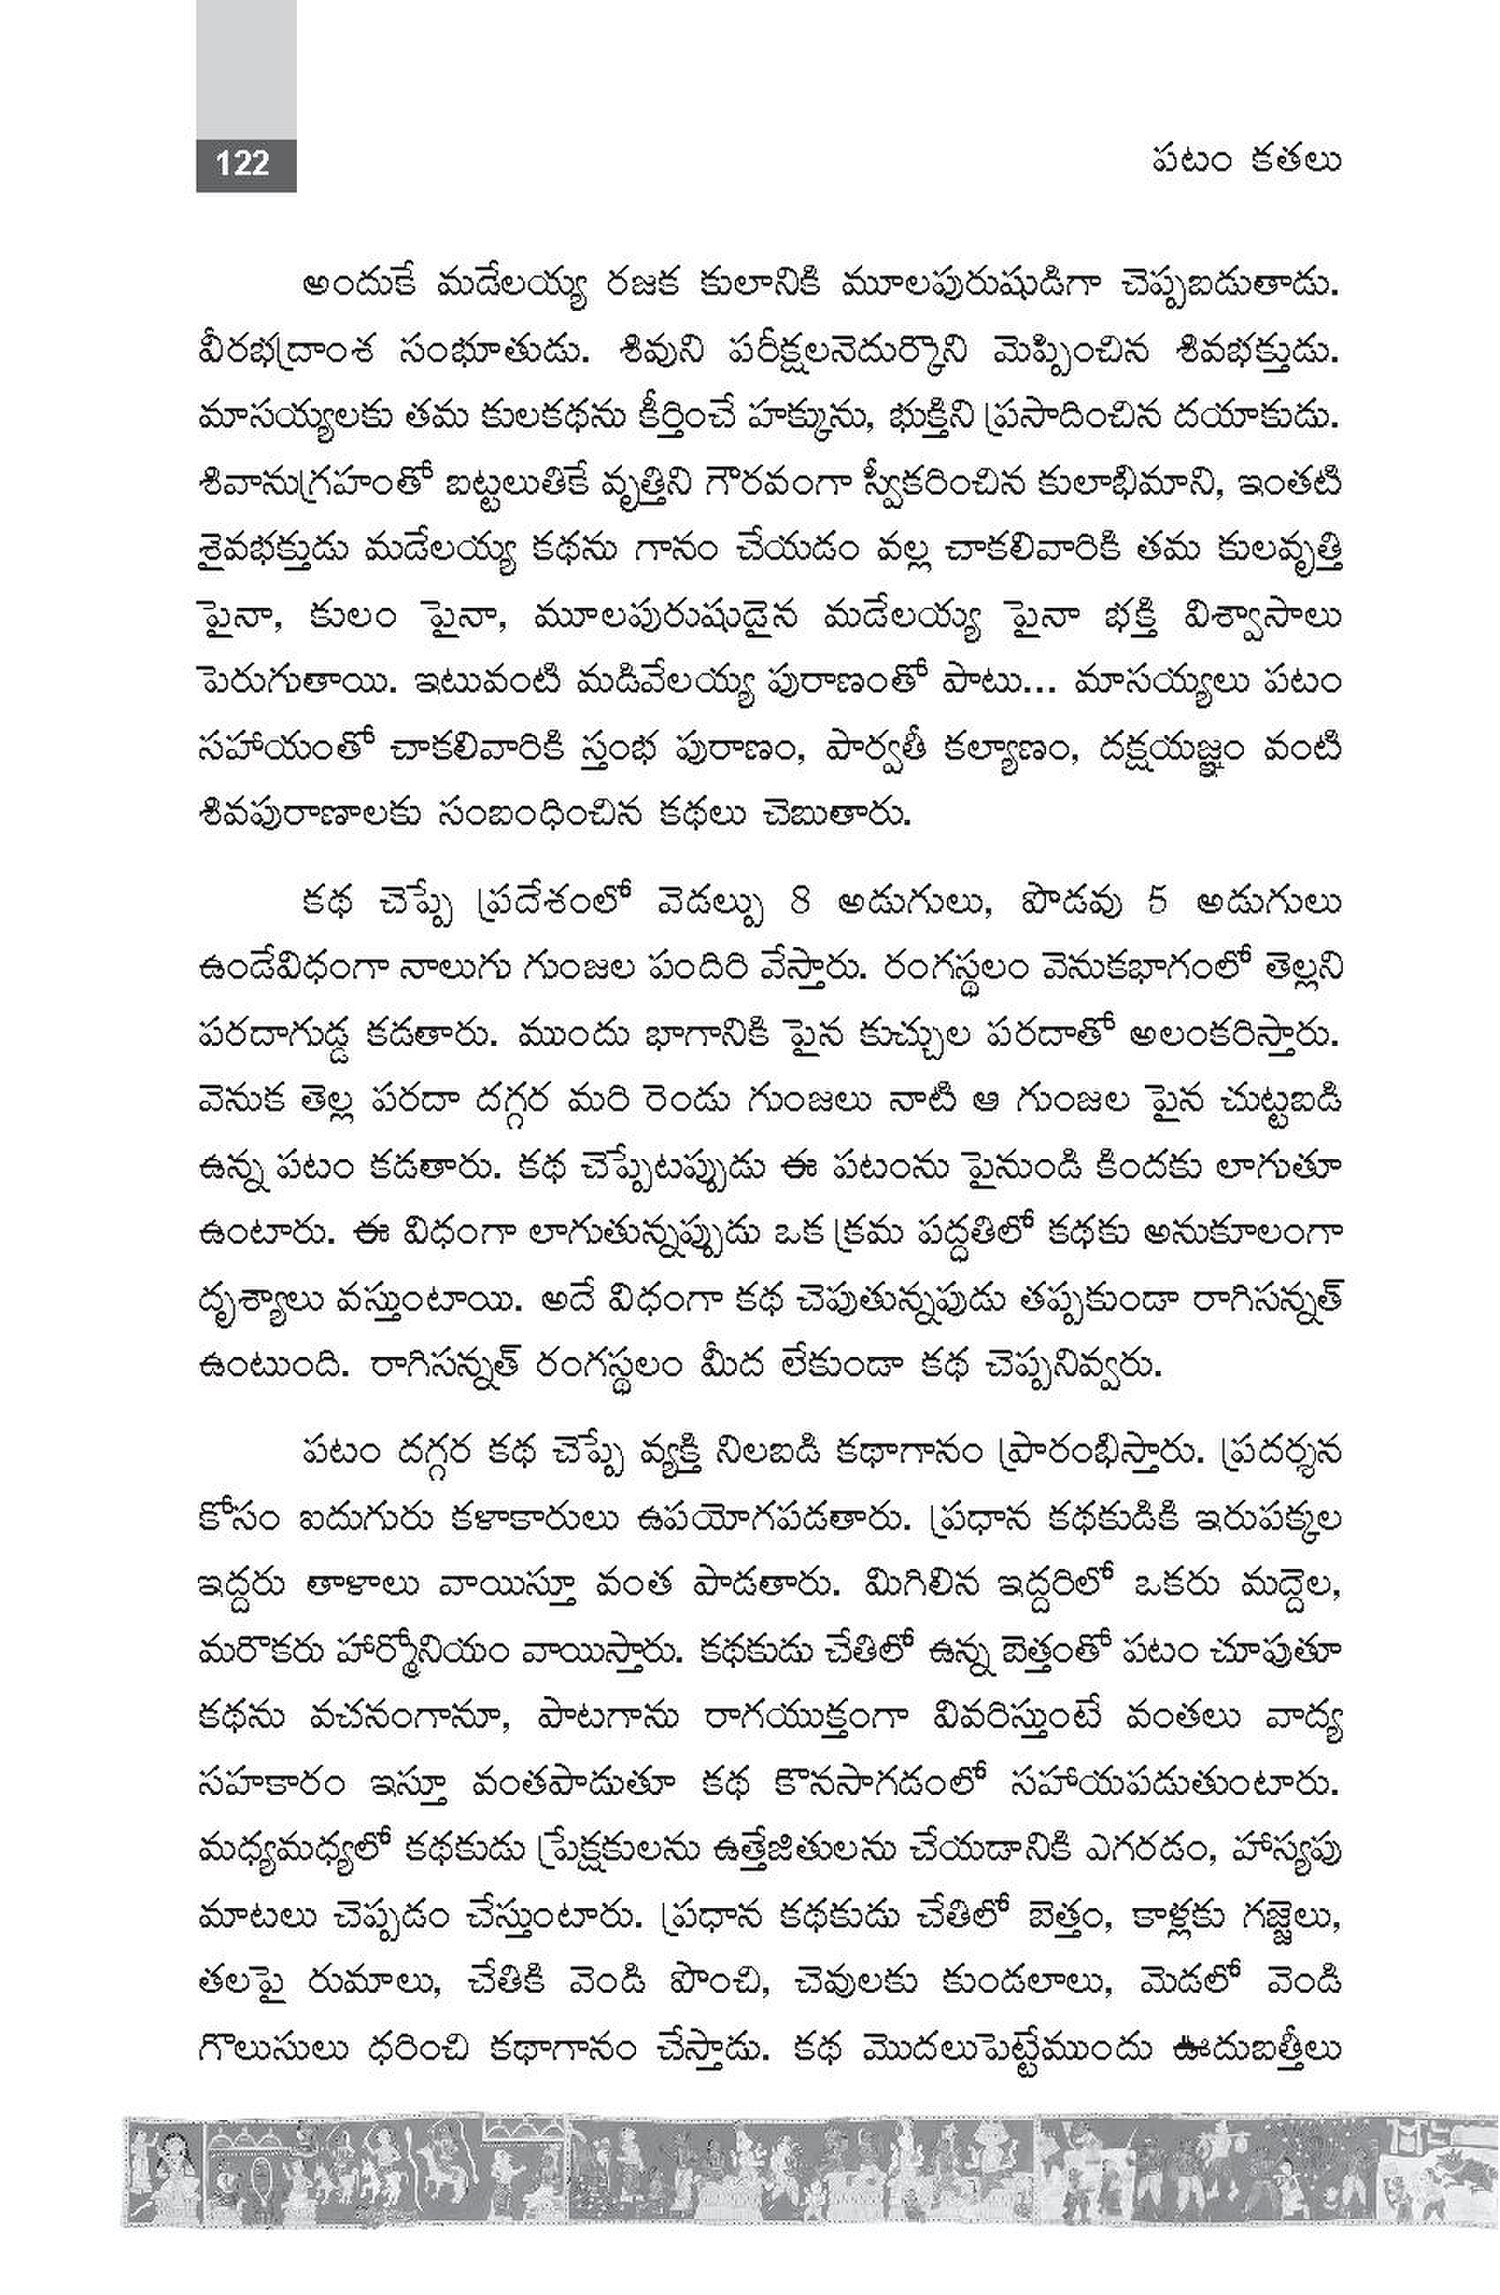అందుకే మదేలయ్య రజక కులానికి మూలపురుషుడిగా చెప్పబడుతాడు. వీరభద్రాంశ సంభూతుడు. శివుని పరీక్షల నెదుర్కొని మెప్పించిన శివభక్తుడు. మాసయ్యలకు తమ కులకథను కీర్తించే హక్కును, భుక్తిని ప్రసాదించిన దయాకుడు.
శివానుగ్రహంతో బట్టలుతికే వృత్తిని గౌరవంగా స్వీకరించిన కులాభిమాని, ఇంతటి శైవభక్తుడు మడేలయ్య కథను గానం చేయడం వల్ల చాకలివారికి తమ కులవృత్తి పైనా, కులం పైనా, మూలపురుషుడైన మడేలయ్య పైనా భక్తి విశ్వాసాలు
పెరుగుతాయి. ఇటువంటి మడివేలయ్య పురాణంతో పాటు... మాసయ్యలు పటం సహాయంతో చాకలివారికి స్తంభ పురాణం, పార్వతీ కల్యాణం, దక్షయజ్ఞం వంటి శివపురాణాలకు సంబంధించిన కథలు చెబుతారు.

కథ చెప్పే ప్రదేశంలో వెడల్పు 8 అడుగులు, పొడవు 5 అడుగులు ఉండేవిధంగా నాలుగు గుంజల పందిరి వేస్తారు. రంగస్థలం వెనుకభాగంలో తెల్లని పరదాగుడ్డ కడతారు. ముందు భాగానికి పైన కుచ్చుల పరదాతో అలంకరిస్తారు.
వెనుక తెల్ల పరదా దగ్గర మరి రెండు గుంజలు నాటి ఆ గుంజల పైన చుట్టబడి ఉన్న పటం కడతారు. కథ చెప్పేటప్పుడు ఈ పటంను పైనుండి కిందకు లాగుతూ ఉంటారు. ఈ విధంగా లాగుతున్నప్పుడు ఒక క్రమ పద్ధతిలో కథకు అనుకూలంగా దృశ్యాలు వస్తుంటాయి. అదే విధంగా కథ చెపుతున్నపుడు తప్పకుండా రాగిసన్నత్ ఉంటుంది. రాగిసన్నత్ రంగస్థలం మీద లేకుండా కథ చెప్పనివ్వరు.

పటం దగ్గర కథ చెప్పే వ్యక్తి నిలబడి కథాగానం ప్రారంభిస్తారు. ప్రదర్శన కోసం ఐదుగురు కళాకారులు ఉపయోగ పడతారు. ప్రధాన కథకుడికి ఇరుపక్కల ఇద్దరు తాళాలు వాయిస్తూ వంత పాడతారు. మిగిలిన ఇద్దరిలో ఒకరు మద్దెల, మరొకరు హార్మోనియం వాయిస్తారు. కథకుడు చేతిలో ఉన్న బెత్తంతో పటం చూపుతూ కథను వచనంగానూ, పాటగాను రాగయుక్తంగా వివరిస్తుంటే వంతలు వాద్య సహకారం ఇస్తూ వంతపాడుతూ కథ కొనసాగడంలో సహాయపడు తుంటారు. మధ్యమధ్యలో కథకుడు ప్రేక్షకులను ఉత్తేజితులను చేయడానికి ఎగరడం, హాస్యపు మాటలు చెప్పడం చేస్తుంటారు. ప్రధాన కథకుడు చేతిలో బెత్తం, కాళ్లకు గజ్జెలు, తలపై రుమాలు, చేతికి వెండి పొంచి, చెవులకు కుండలాలు, మెడలో వెండి గొలుసులు ధరించి కథాగానం చేస్తాడు. కథ మొదలుపెట్టేముందు ఊదుబత్తీలు